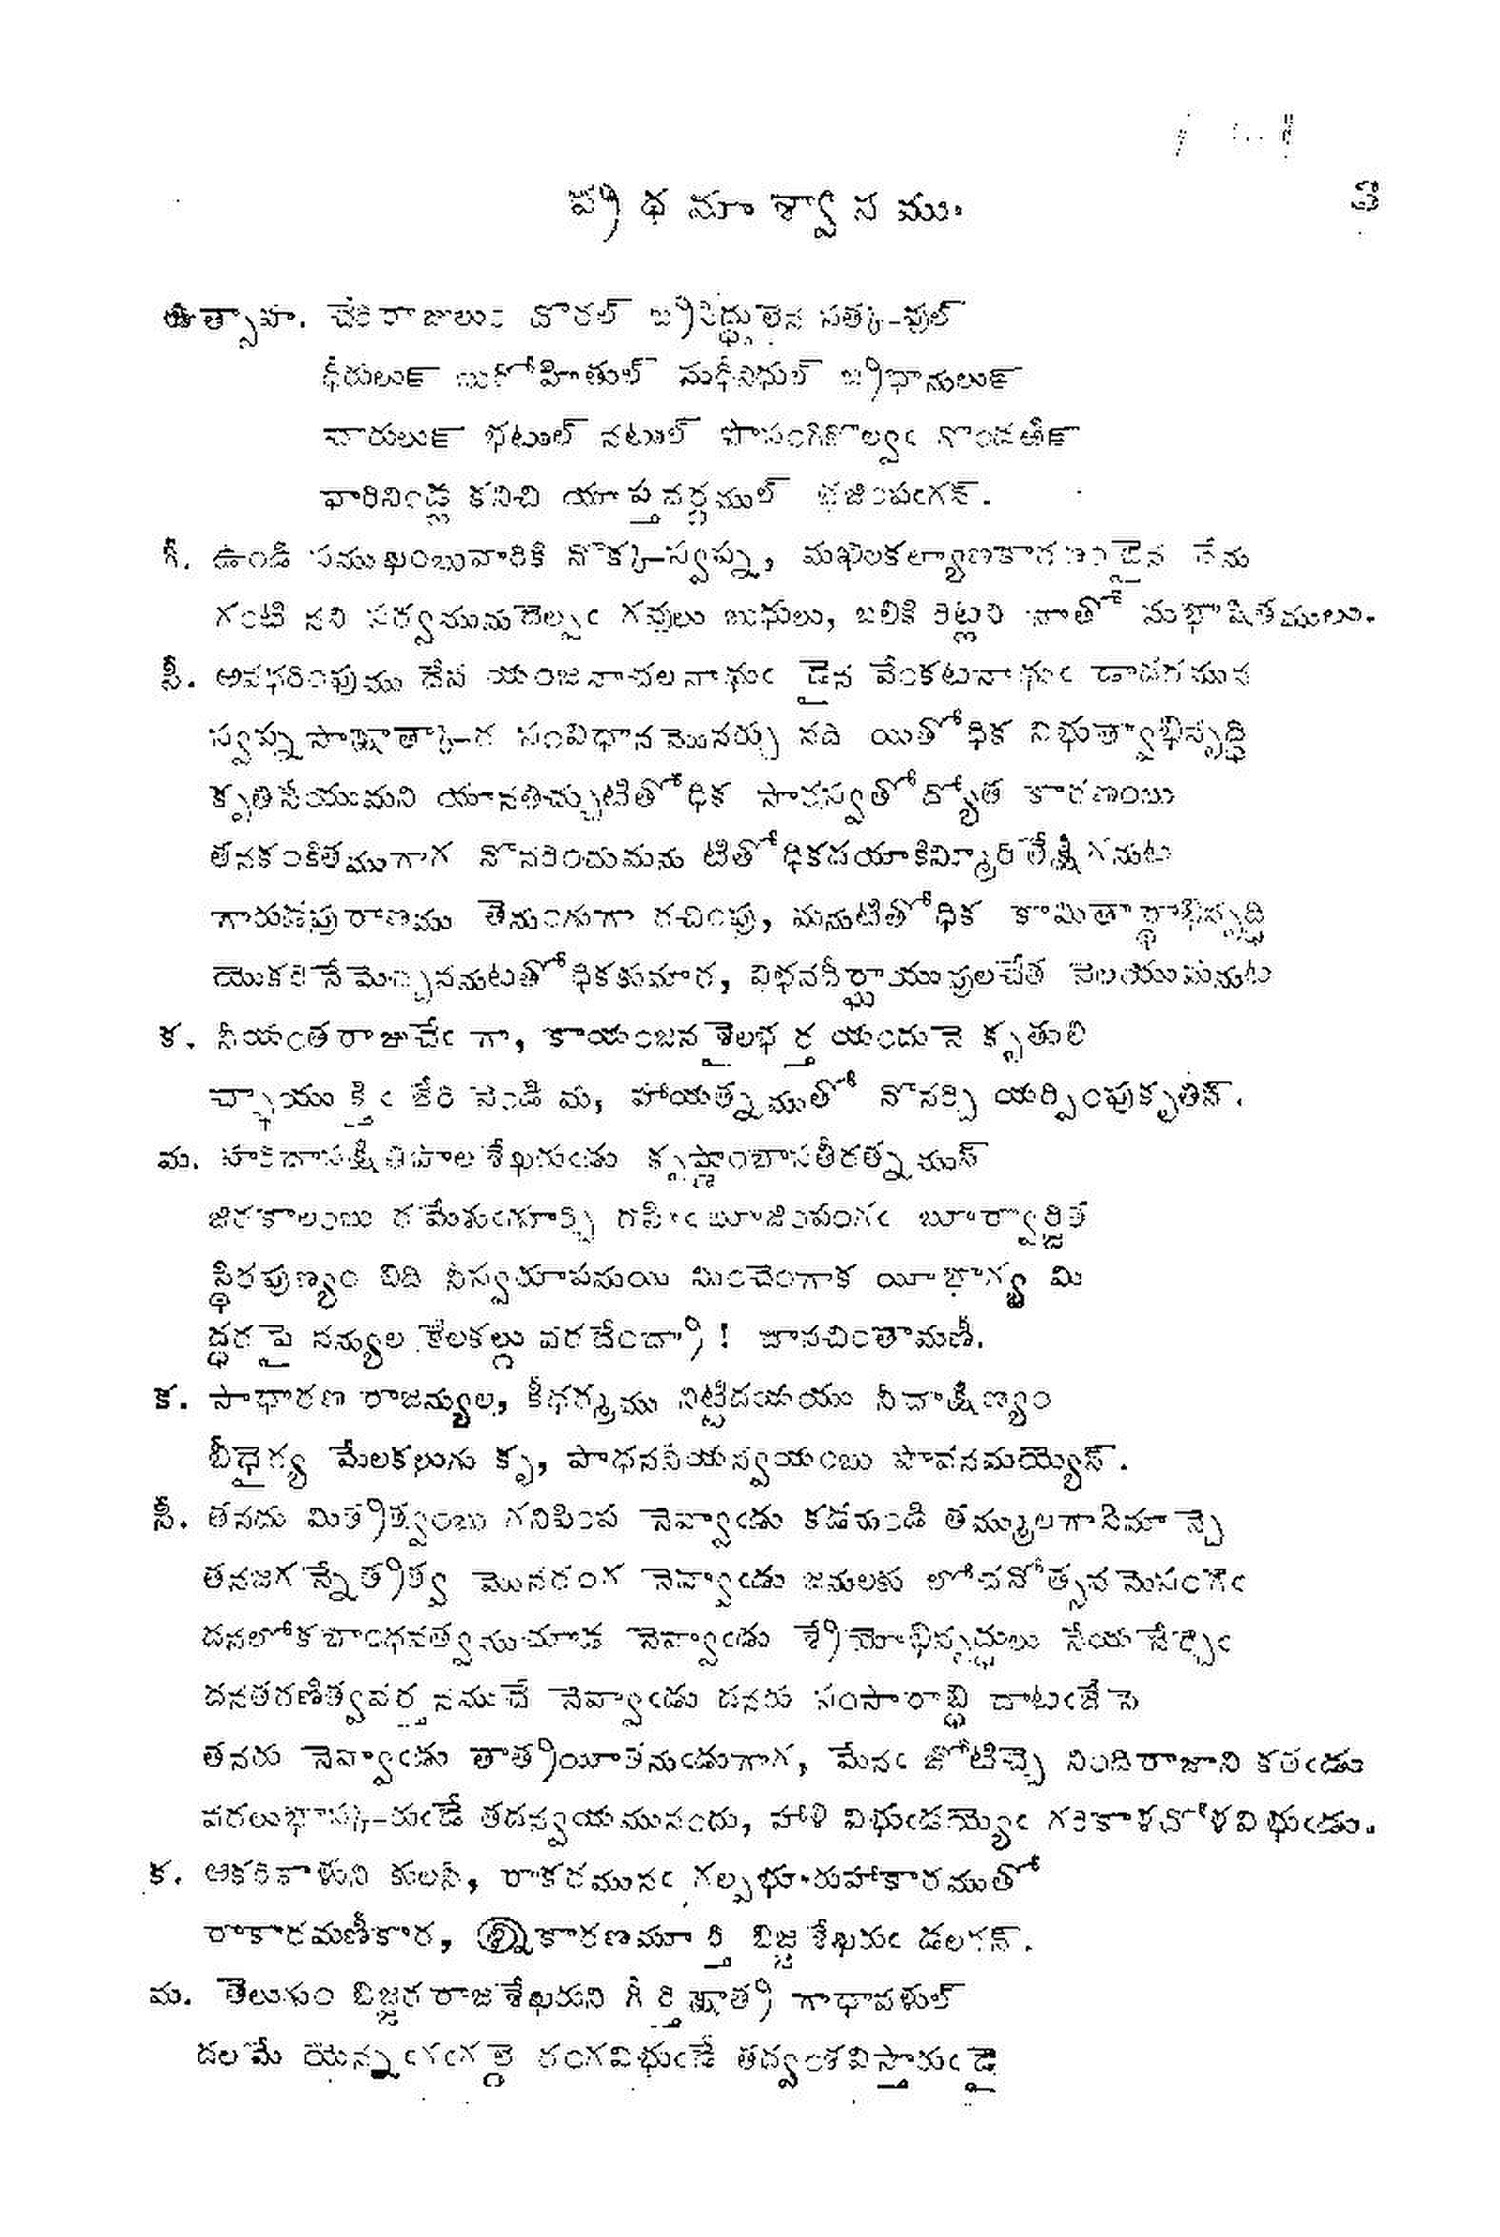ఉత్సాహ. చేరిరాజులుం దొరల్ బ్రసిద్దులైన సత్కవుల్
 ధీరులున్ బురోహితుల్ సుధీనిధుల్ బ్రధానులున్
 చారులున్ భటుల్ నటుల్ పొసంగికొల్వఁ గొందఱిన్
 వారినిండ్ల కనిచి యాప్తవర్గముల్ భజింపఁగన్.

గీ. ఉండి సముఖంబువారికి నొక్కస్వప్న, మఖిలకల్యాణకారణంబైన నేను
 గంటి నని సర్వమును దెల్పఁ గవులు బుధులు, బలికె రిట్లని నాతో సుభాషితములు.

సీ. అవధరింపుము దేవ యంజనాచలనాథుఁ డైన వేంకటనాథుఁ డాదరమున
 స్వప్నసాక్షాత్కార సంవిధాన మొనర్చు నది యితోధిక విభుత్వాభివృద్ధి
 కృతిసేయుమని యానతిచ్చుటితోధిక సారస్వతోద్యోత కారణంబు
 తనకంకితముగాగ నొనరించుమను టితోధికదయాకిమ్మీరితేక్షిగనుట
 గారుడపురాణము తెనుంగుగా రచింపు, మనుటితోధిక కామితార్థాభివృద్ధి
 యొకరినేమెచ్చననుటతోధికకుమార, విభవదీర్ఘాయువులచేత వెలయుమనుట

క. నీయంతరాజుచేఁ గా, కాయంజనశైలభర్తయందునె కృతులి
 చ్ఛాయుక్తిఁ జేరి వెండి మ, హాయత్నముతో నొనర్చి యర్పింపుకృతిన్.

మ. హరిదాసక్షితిపాలశేఖరుఁడు కృష్ణాంబాసతీరత్నమున్
 జిరకాలంబు రమేశుఁగూర్చి రహిబూజింపంగ బూర్వార్జిత
 స్థిరపుణ్యం బిది నీస్వరూపమయి మించెంగాక యీ భాగ్యమి
 ద్ధరపై నన్యుల కేలకల్గు వరదేంద్రా! దానచింతామణీ.

క. సాధారణరాజన్యుల, కీధర్మము నిట్టిదయయు నీదాక్షిణ్యం
 బీధైర్య మేలకలుగు కృ, పాధననీయన్వయంబు పావనమయ్యెన్.

సీ. తనదు మిత్రత్వంబు గనిపింప నెవ్వాఁడు కడనుండి తమ్ములగాసిమాన్చె
 తనజగన్నేత్రత్వ మొనరంగ నెవ్వాఁడు జనులకు లోచనోత్సవమెసంగెఁ
 దనలోకబాంధవత్వముచూడ నెవ్వాఁడు శ్రేయోభివృద్ధులు సేయనేర్చెఁ
 దనతరణిత్వవర్తనముచే నెవ్వాఁడు దనరు సంసారాబ్ది దాటఁజేసె
 తనరు నెవ్వాఁడు తాత్రయీతనుఁడుగాగ, మేనఁ జోటిచ్చె నిందిరాజాని కతఁడు
 వరలుభాస్కరుఁడే తదన్వయమునందు, హాళి విభుఁడయ్యెఁ గరికాళచోళవిభుఁడు.

క. ఆకరికాళుని కులనీ, రాకరమునఁ గల్పభూరుహాకారముతో
 రాకారమణీకార, శ్రీకారణమూర్తి బిజ్జశేఖరుఁ డలరన్.

మ. తెలుగుం బిజ్జరరాజశేఖరుని గీర్తిక్షాత్రగాథావళుల్
 దలమే యెన్నఁగఁగల్గె రంగవిభుఁడే తద్వంశవిస్తారుఁడై